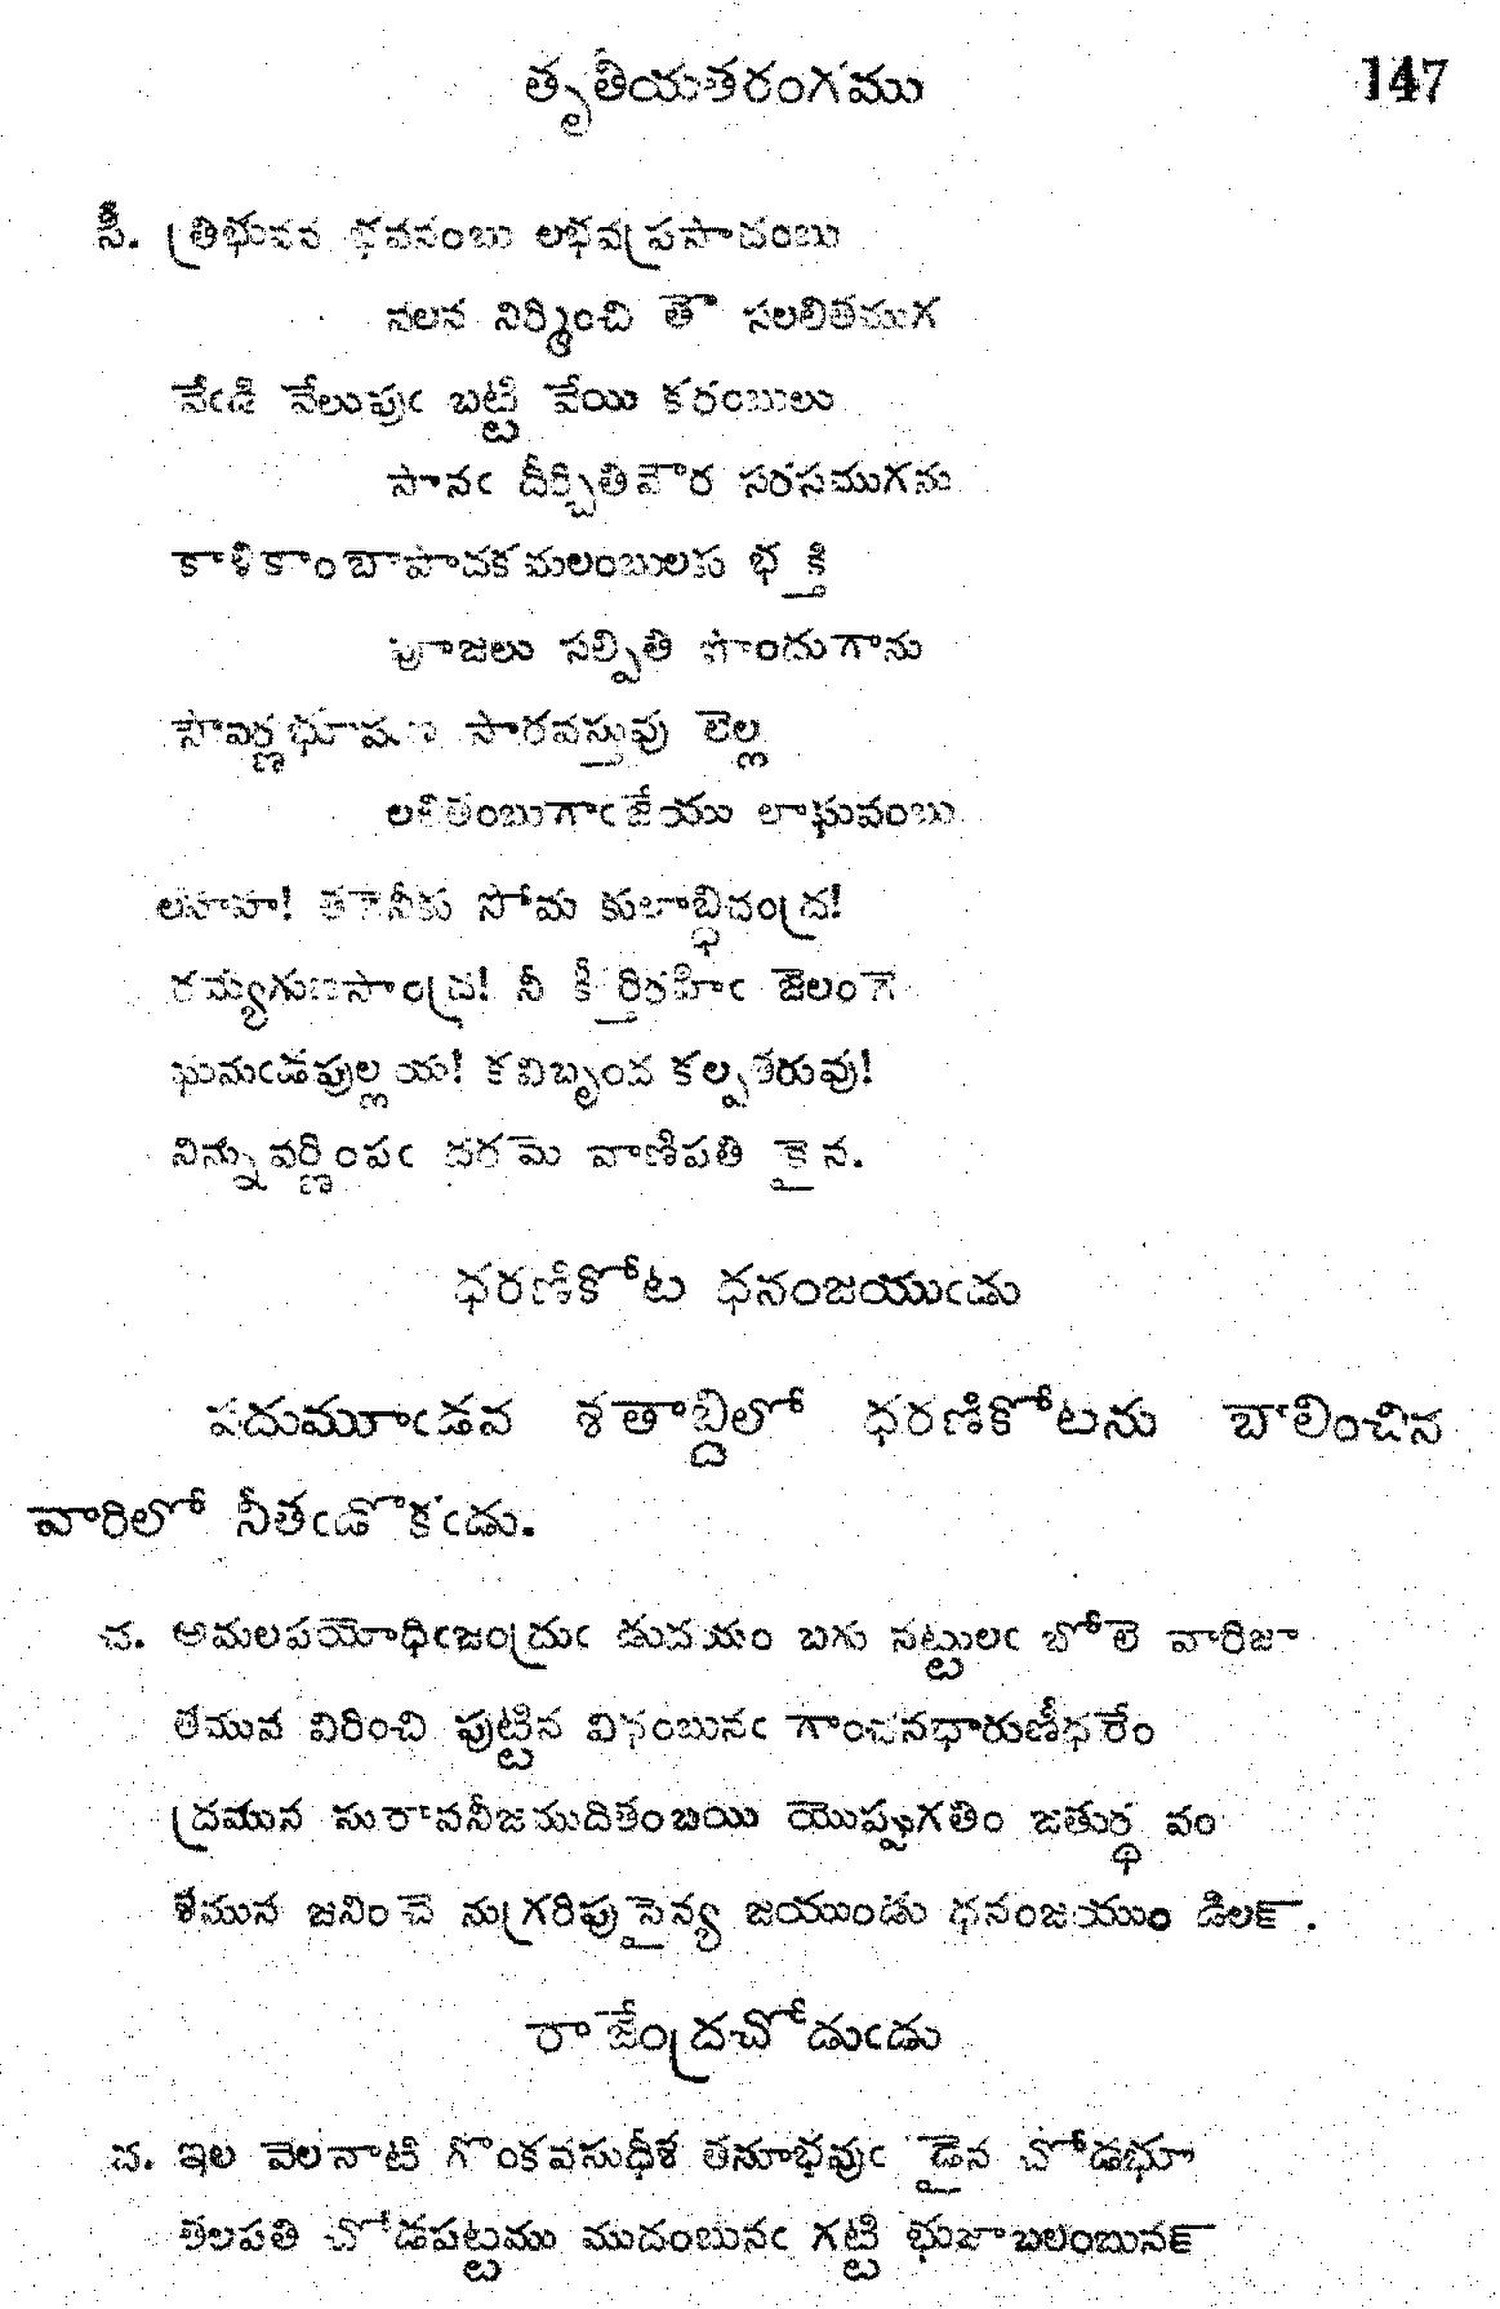సీ. త్రిభువనభవనంబు లభవప్రసాదంబు
 నలన నిర్మించి తౌ సలలితముగ
 వేఁడి వేలుపుఁ బట్టి వేయి కరంబులు
 సానఁ దీర్చితివౌర సరసముగను
 కాళికాంబాపాదకమలంబులకు భక్తి
 పూజలు సల్పితి పొందుగాను
 సౌవర్ణభూషణసారవస్తువు లెల్ల
 లలితంబుగాఁ జేయు లాఘవంబు
 లహహ! తగె నీకు సోమకులాబ్ధిచంద్ర!
 రమ్యగుణసాంద్ర! నీ కీర్తి రహిఁ జెలంగె
 ఘనుఁడ పుల్లయ! కవిబృందకల్పతరువు!
 నిన్ను వర్ణింపఁ దరమె వాణిపతి కైన.

పదమూఁడవశతాబ్దిలో ధరణికోటను బాలించినవారిలో నీతఁ డొకఁడు.

చ. అమలపయోధిఁజంద్రుఁ డుదయం బగు నట్టులఁ బోలె వారిజా
 తమున విరించి పుట్టినవిధంబునఁ గాంచనధారుణీధరేం
 ద్రమున సురావనీజముదితంబయి యొప్పుగతిం జతుర్థ నం
 శమున జనించె నుగ్రరిపుసైన్యజయుండు ధనంజయుం డిలన్.

చ. ఇల వెలనాటి గొంకవసుధీశ తనూభవుఁ డైన చోడభూ
 తలపతి చోడపట్టము ముదంబునఁ గట్టి భుజాబలంబునన్